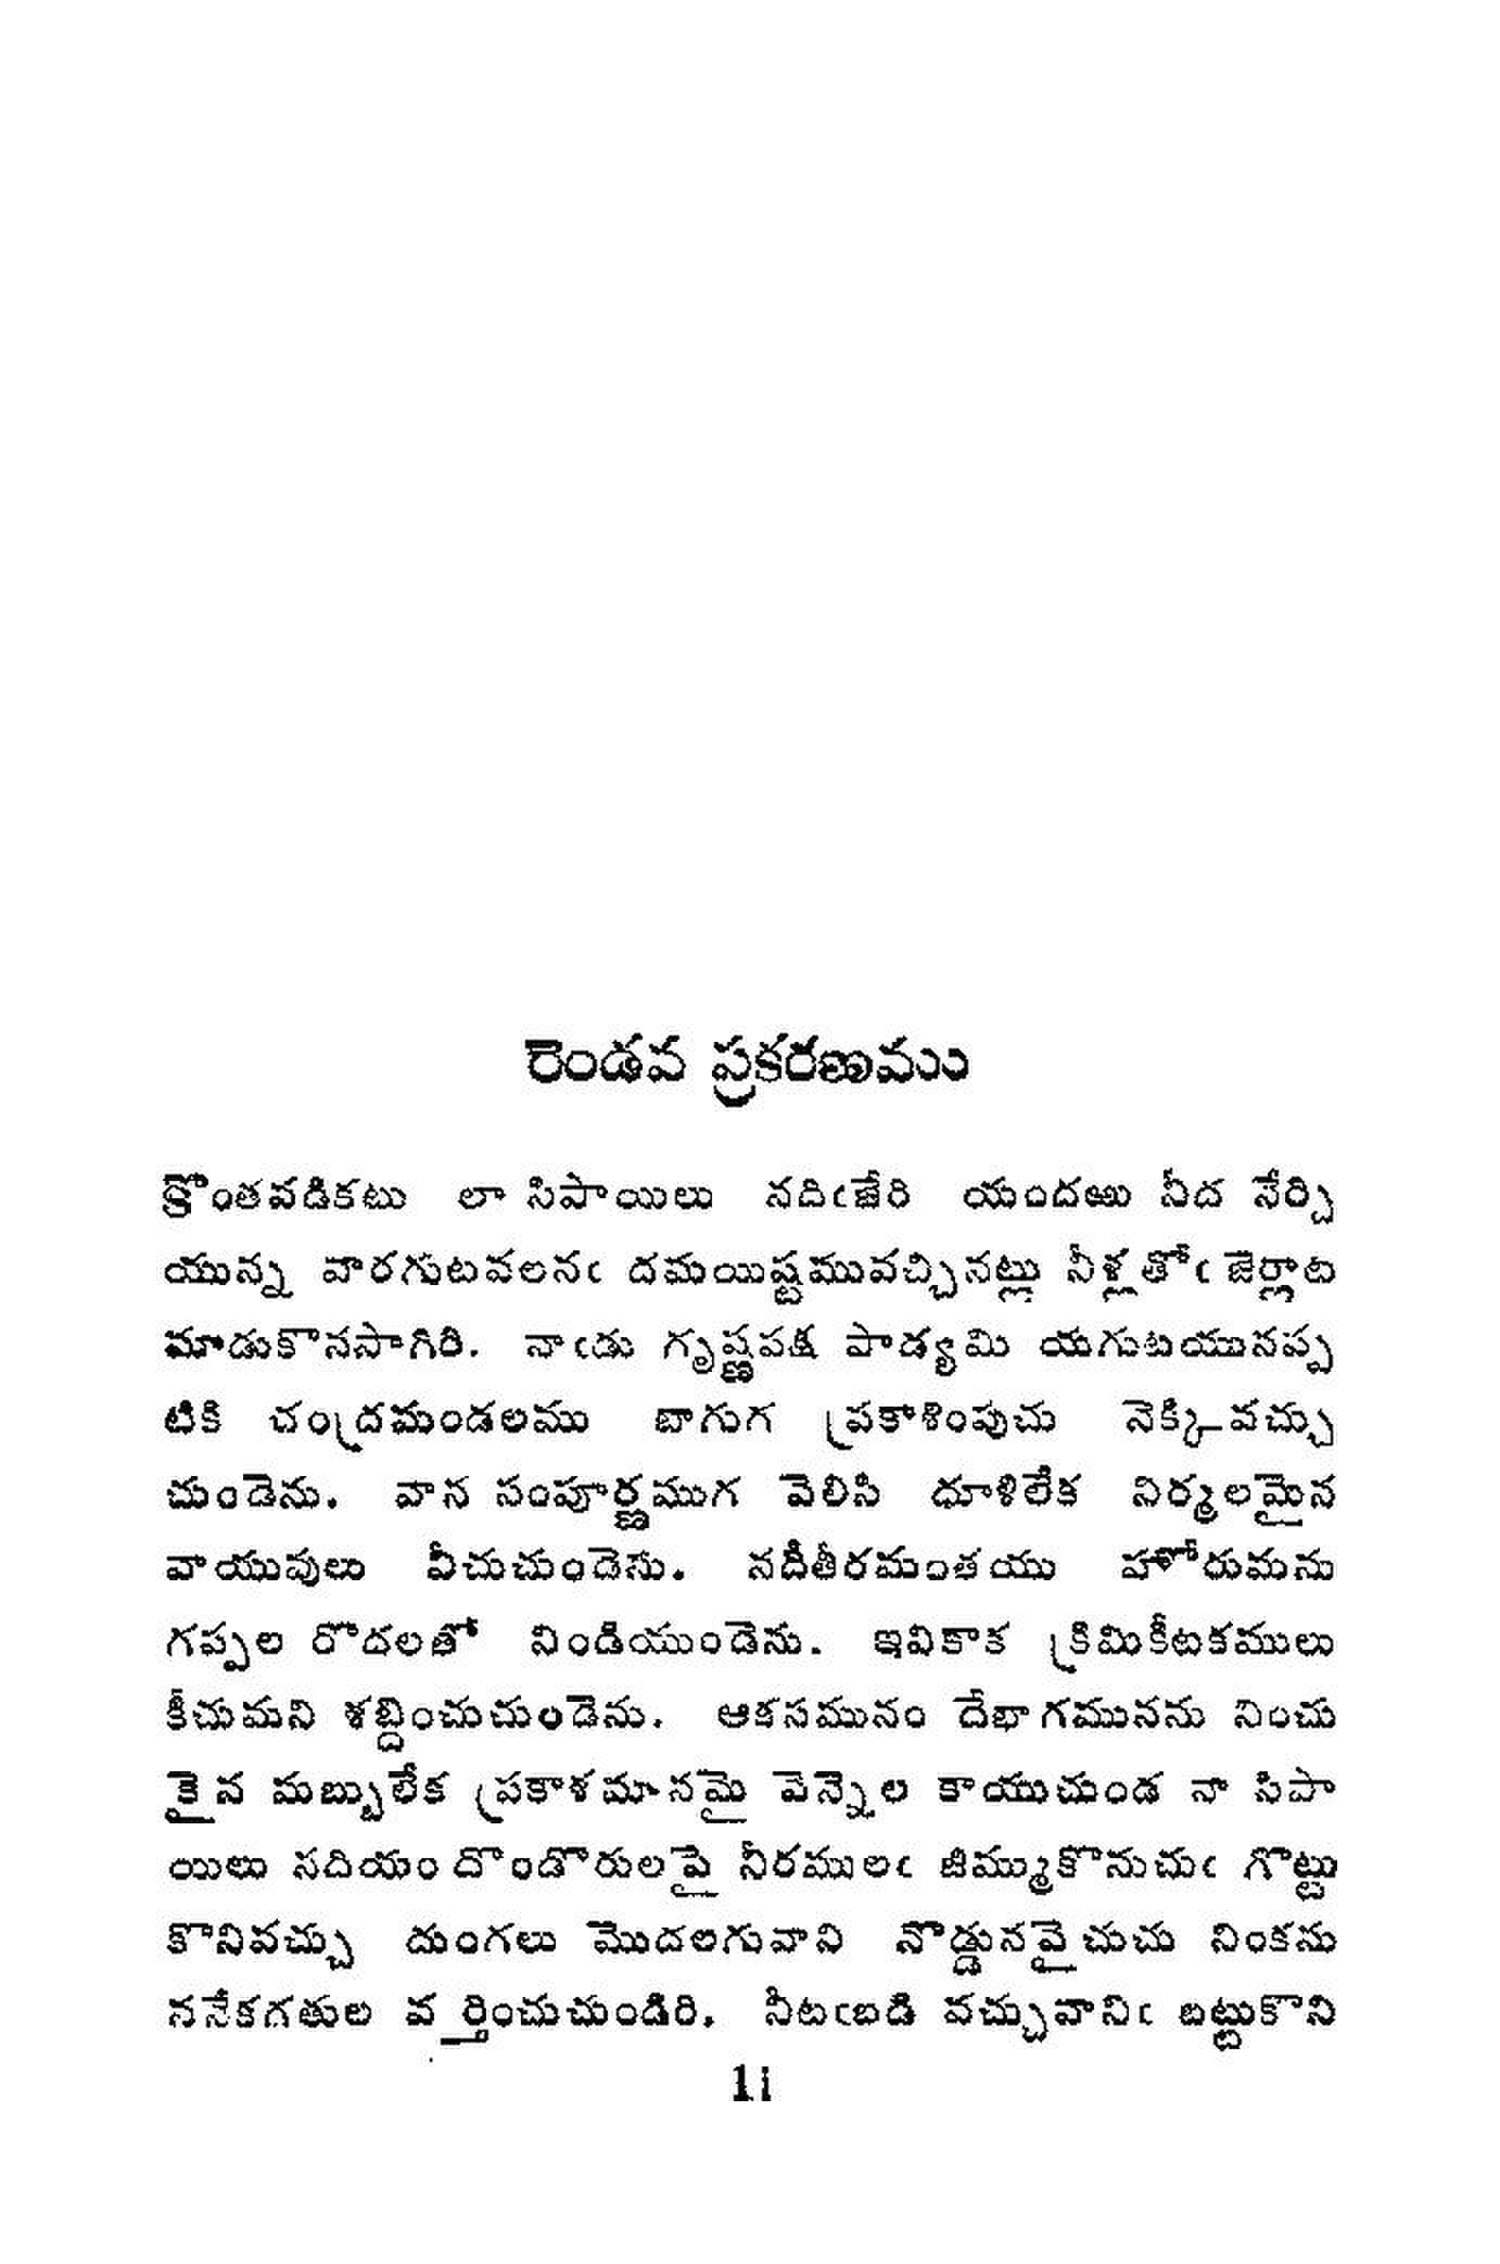రెండవ ప్రకరణము

కొంతవడికటు లా సిపాయిలు నదిఁజేరి యందఱు నీద నేర్పియున్న వారగుటవలనఁ దమయిష్టమువచ్చినట్లు నీళ్లతోఁజెర్లాట మాడుకొనసాగిరి. నాఁడు గృష్ణపక్ష పాడ్యమి యగుటయునప్పటికి చంద్రమండలము బాగుగ ప్రకాశింపుచు నెక్కివచ్చు చుండెను. వాన సంపూర్ణముగ వెలిసి ధూళిలేక నిర్మలమైన వాయువులు వీచుచుండెను. నదీతీరమంతయు హోరుమను గప్పల రొదలతో నిండియుండెను. ఇవికాక క్రిమికీటకములు కీచుమని శబ్దించుచుండెను. ఆకసమునం దేభా గమునను నించుకైన మబ్బులేక ప్రకాశమానమై వెన్నెల కాయుచుండ నా సిపాయిలు సదియం దొండొరులపై నీరములఁ జిమ్ముకొనుచుఁ గొట్టుకొనివచ్చు దుంగలు మొదలగువాని నొడ్డునవైచుచు నింకను ననేకగతుల వర్తించుచుండిరి. నీటఁబడి వచ్చువానిఁ బట్టుకొని